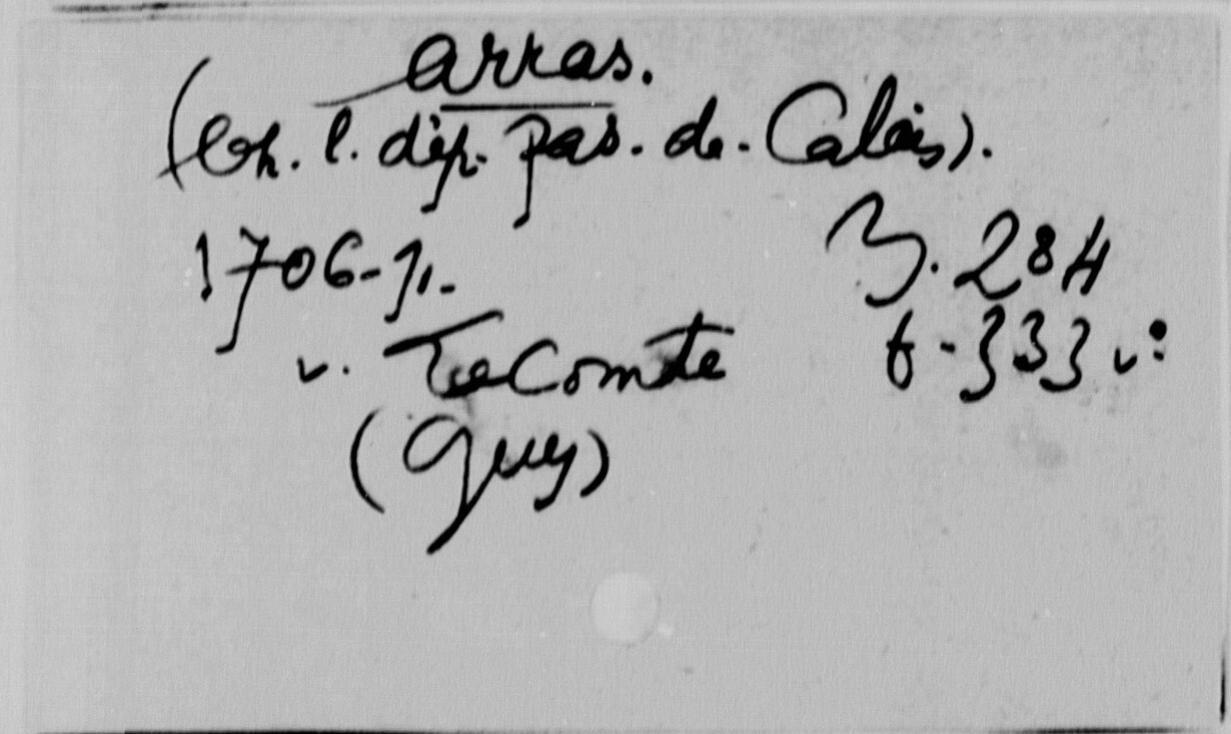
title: Arras (Chef-lieu département Pas-de-Calais)
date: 1706-1711
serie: Y
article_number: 284
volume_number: folio 333 verso
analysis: Voir Lecomte (Guy)
